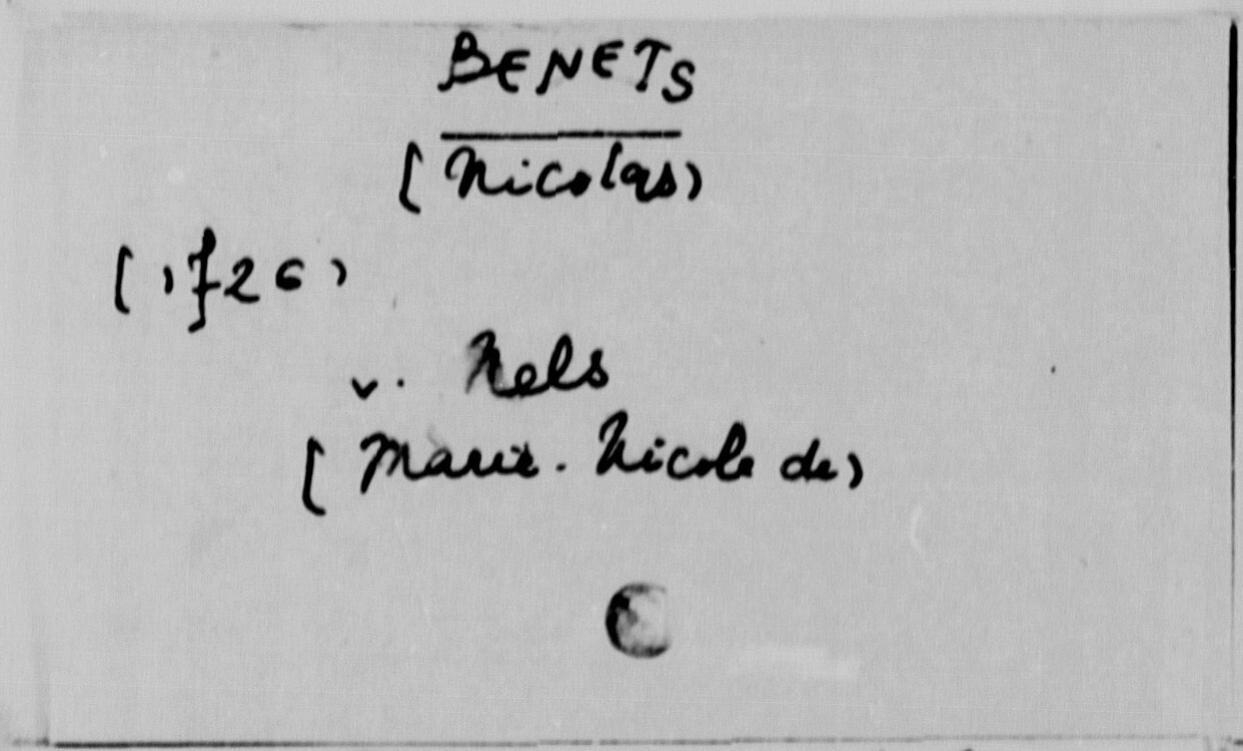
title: BENETS (Nicolas)
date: [1726]
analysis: Voir : Nels (Marie-Nicole de)
